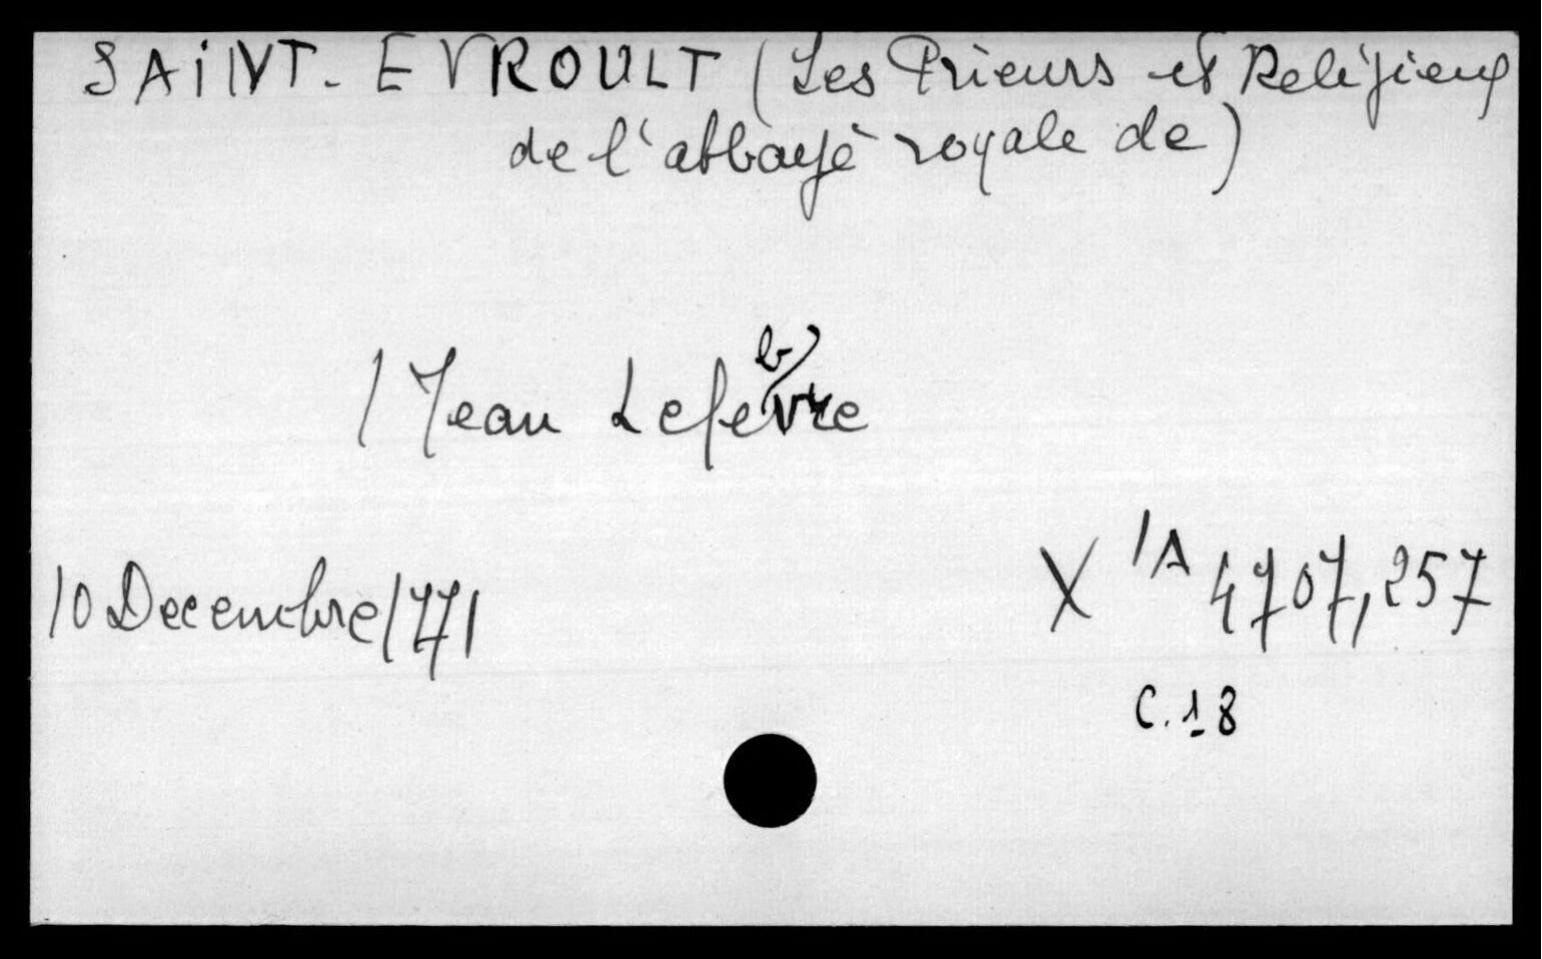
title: SAINT-EVROULT (Les prieurs et Religieux de l'abbaye royale de)
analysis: Contre Jean Lefèbvre
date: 10 décembre 1771
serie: X1A
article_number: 4707
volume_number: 257 Conseil 18
